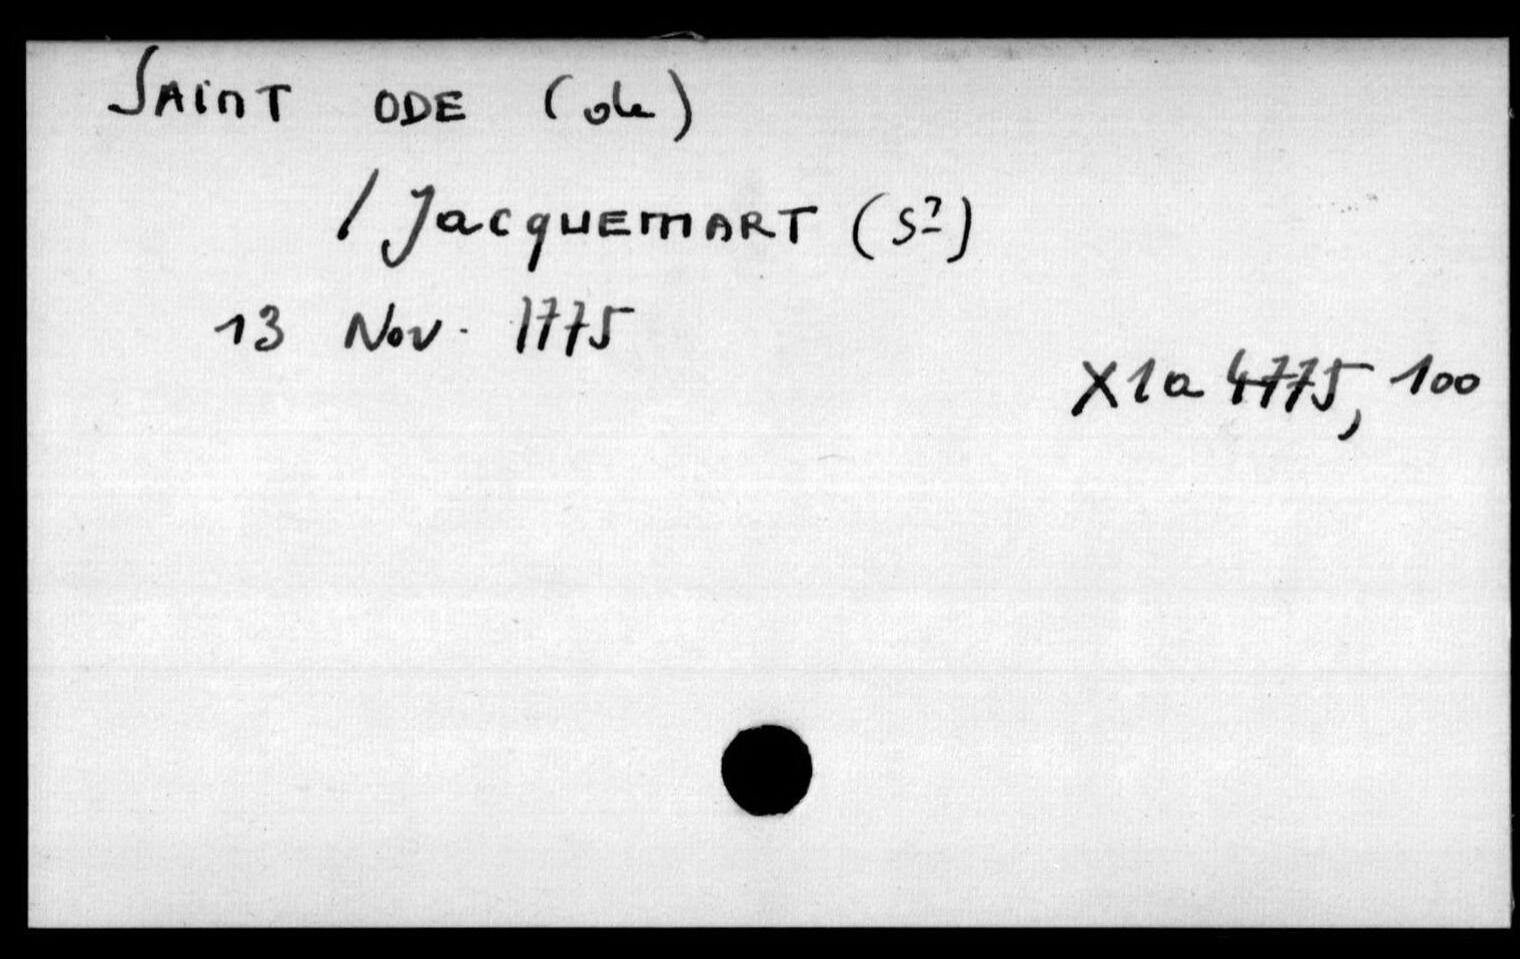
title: SAINT ODE (de)
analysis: Contre JACQUEMART (Sieur)
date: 13 novembre 1775
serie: X1a
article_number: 4775
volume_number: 100
